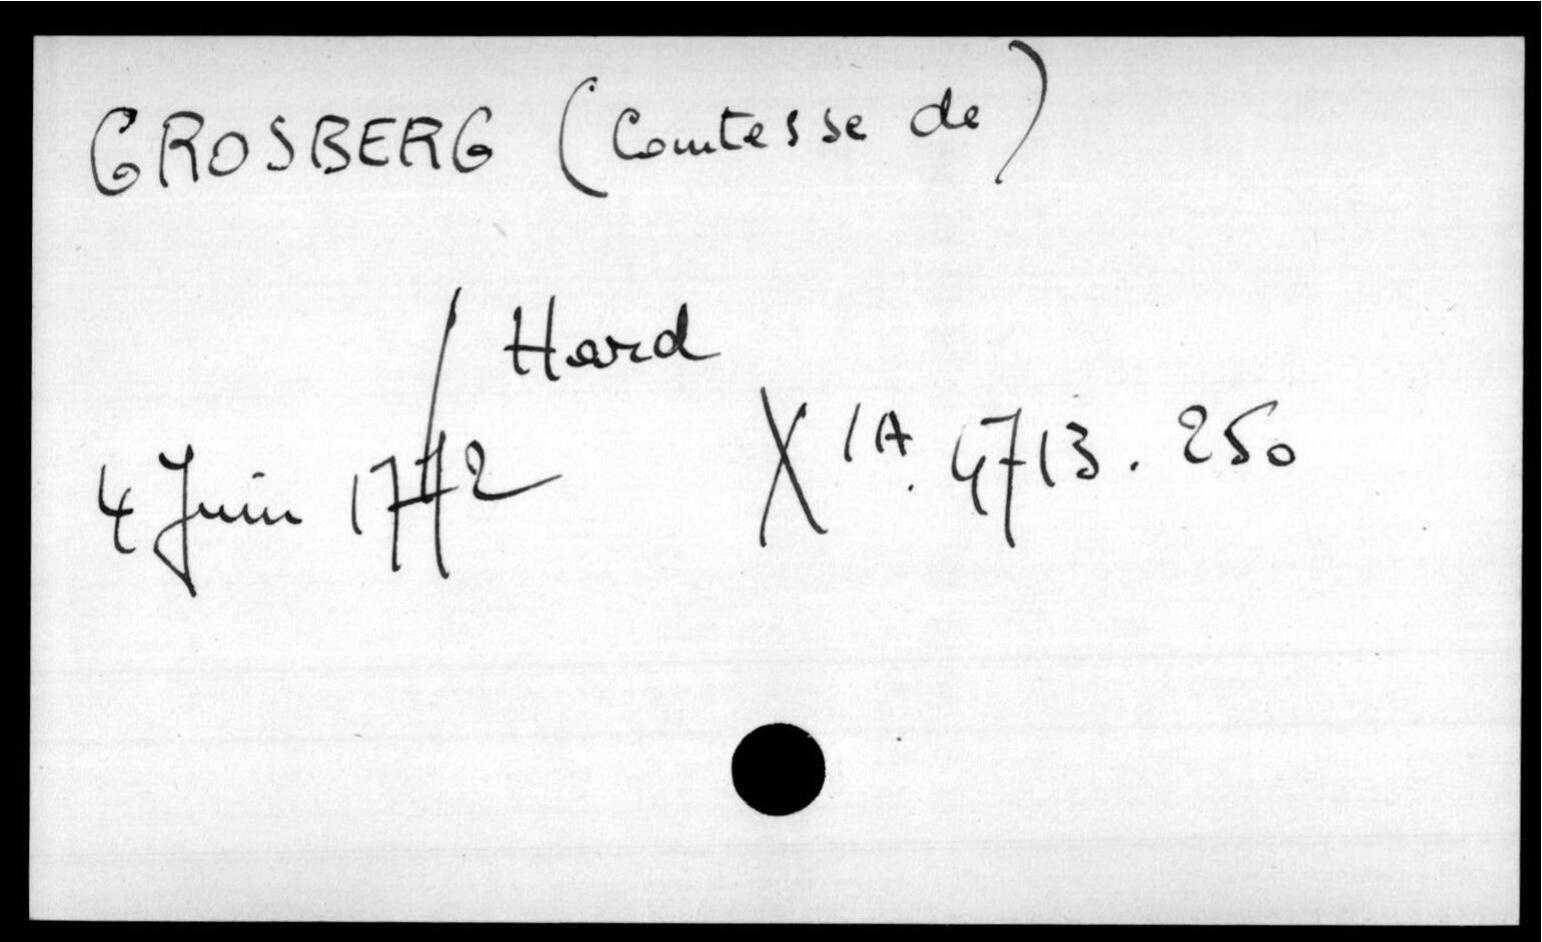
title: GROSBERG (comtesse de)
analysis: Contre Hard
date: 4 juin 1772
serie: X1A
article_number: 4713
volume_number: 250
